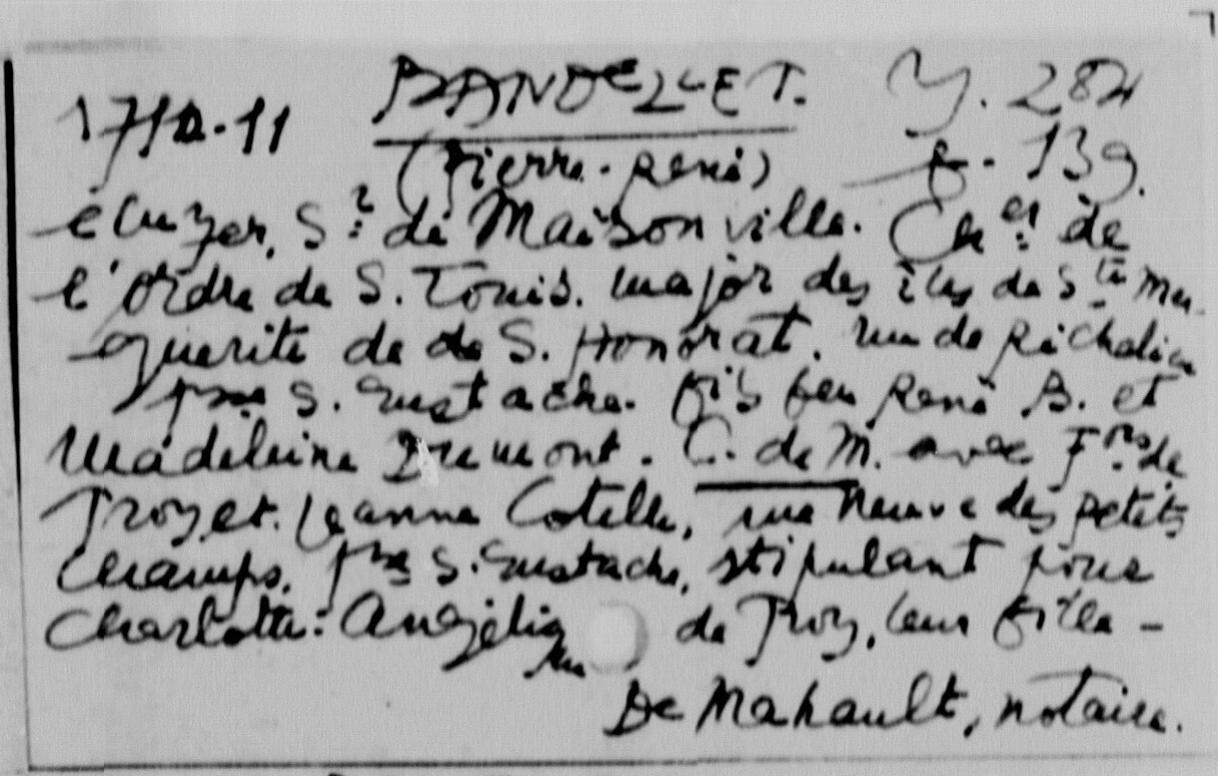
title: BANDELLET (Pierre-René)
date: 1710-1711
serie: Y
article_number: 284
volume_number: folio 139
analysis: Ecuyer, seigneur de Maisonville. Chevalier de l'Ordre de Saint-Louis, major des îles de Saint-Marguerite de Saint-Honorat, rue de Richelieu, paroisse Saint-Eustache, fils feu René Bandellet et Madeleine Dumont. Contrat de mariage avec François de TROY et Jeanne Cotelle, rue Neuve-des-Petits-Champs, paroisse Saint-Eustache, stipulant pour Charlotte-Angélique de Troy, leur fille. De Mahault, notaire
